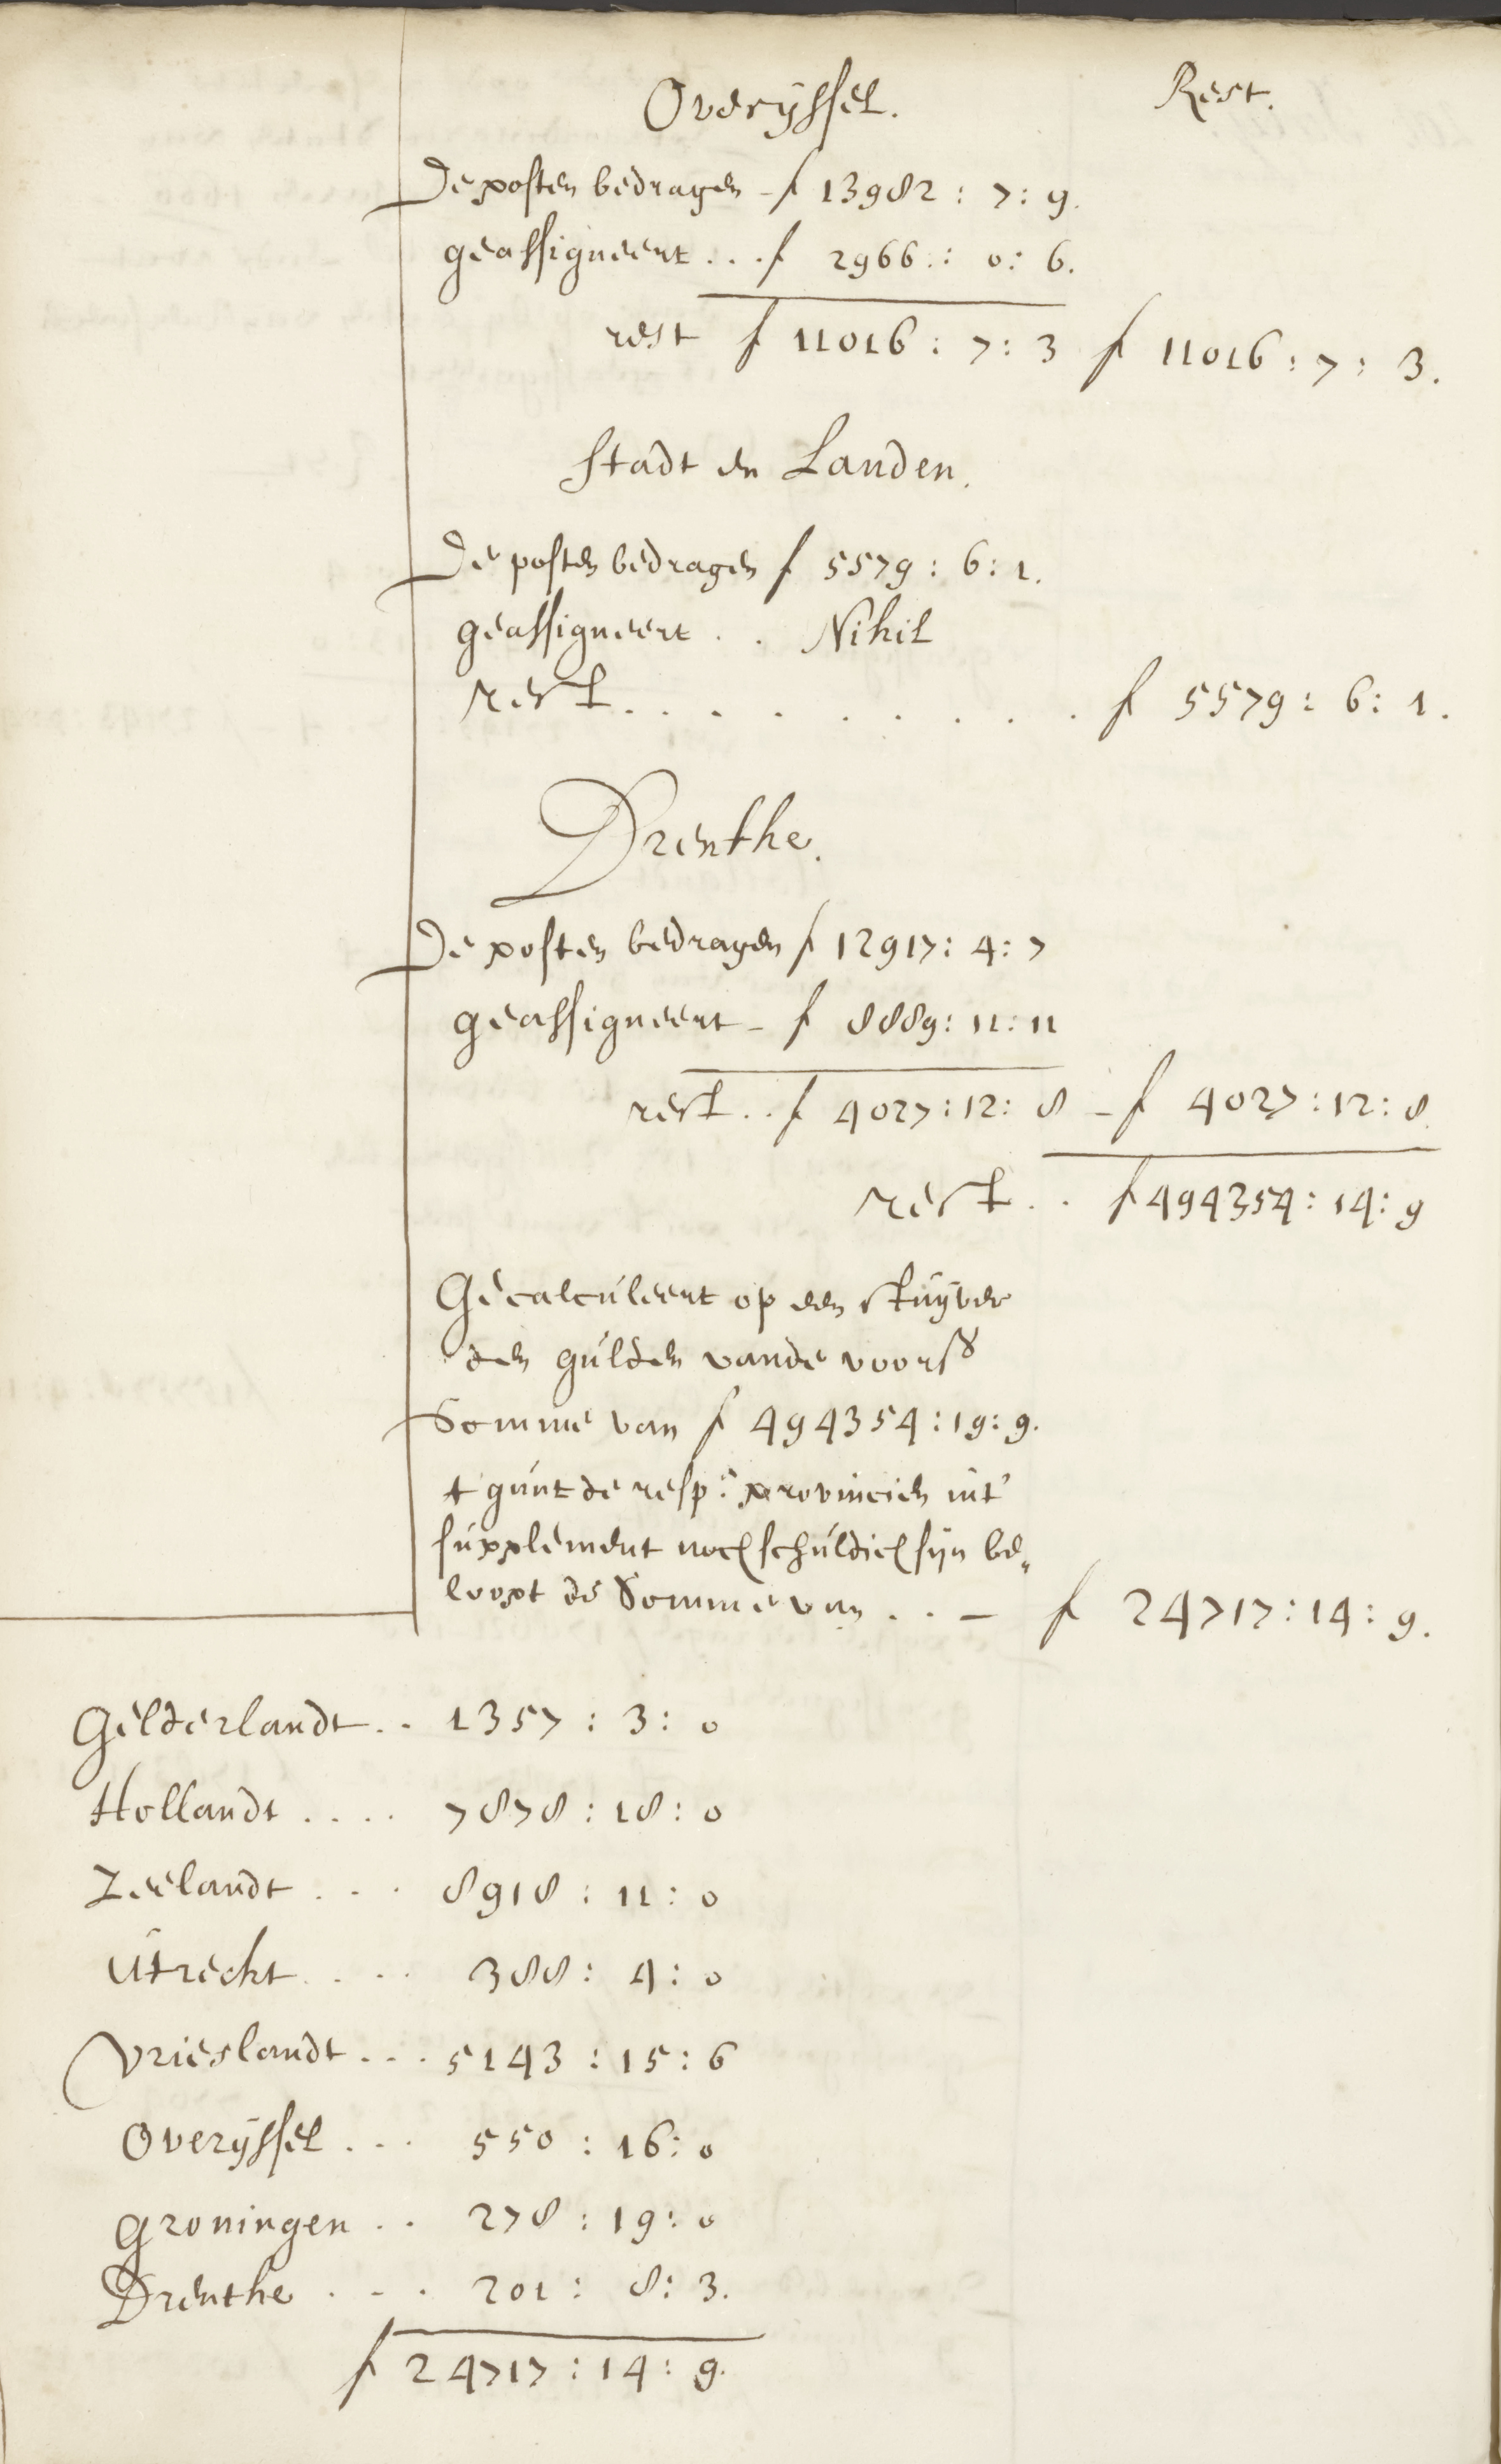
Overijssel. Rest.
De posten bedragen f 13982: 7: 9.
geassigneert...f 2966: 0: 6.
rest f 11016: 7: 3 f 11016: 7: 3.
Stadt en Landen.
De posten bedragen f 5579: 6: 1.
geassigneert.. Nihil
rest......... f 5579: 6: 1.
Drenthe.
De posten bedragen f 12917: 4: 7
geassigneert f 8889: 11: 11
rest.. f 4027: 12: 8. - f 4027: 12: 8.
rest.. f 494354: 14: 9
Gecalculeert op een stuijver
den gulden vande voors
Somme van f 494354: 19: 9.
t'gunt de respe. provincien int'
supplement noch schuldich sijn be„
loopt de Somme van..- f 24717: 14: 9.
Gelderlandt.. 1357: 3: 0
Hollandt...7878: 18: 0
Zeelandt... 8918: 11: 0
Utrecht.... 388: 4: 0
Vrieslandt...5143: 15: 6
Overijssel... 550: 16: 0
Groningen.. 278: 19: 0
Drenthe... 201: 8: 3.
f 24717: 14: 9.
